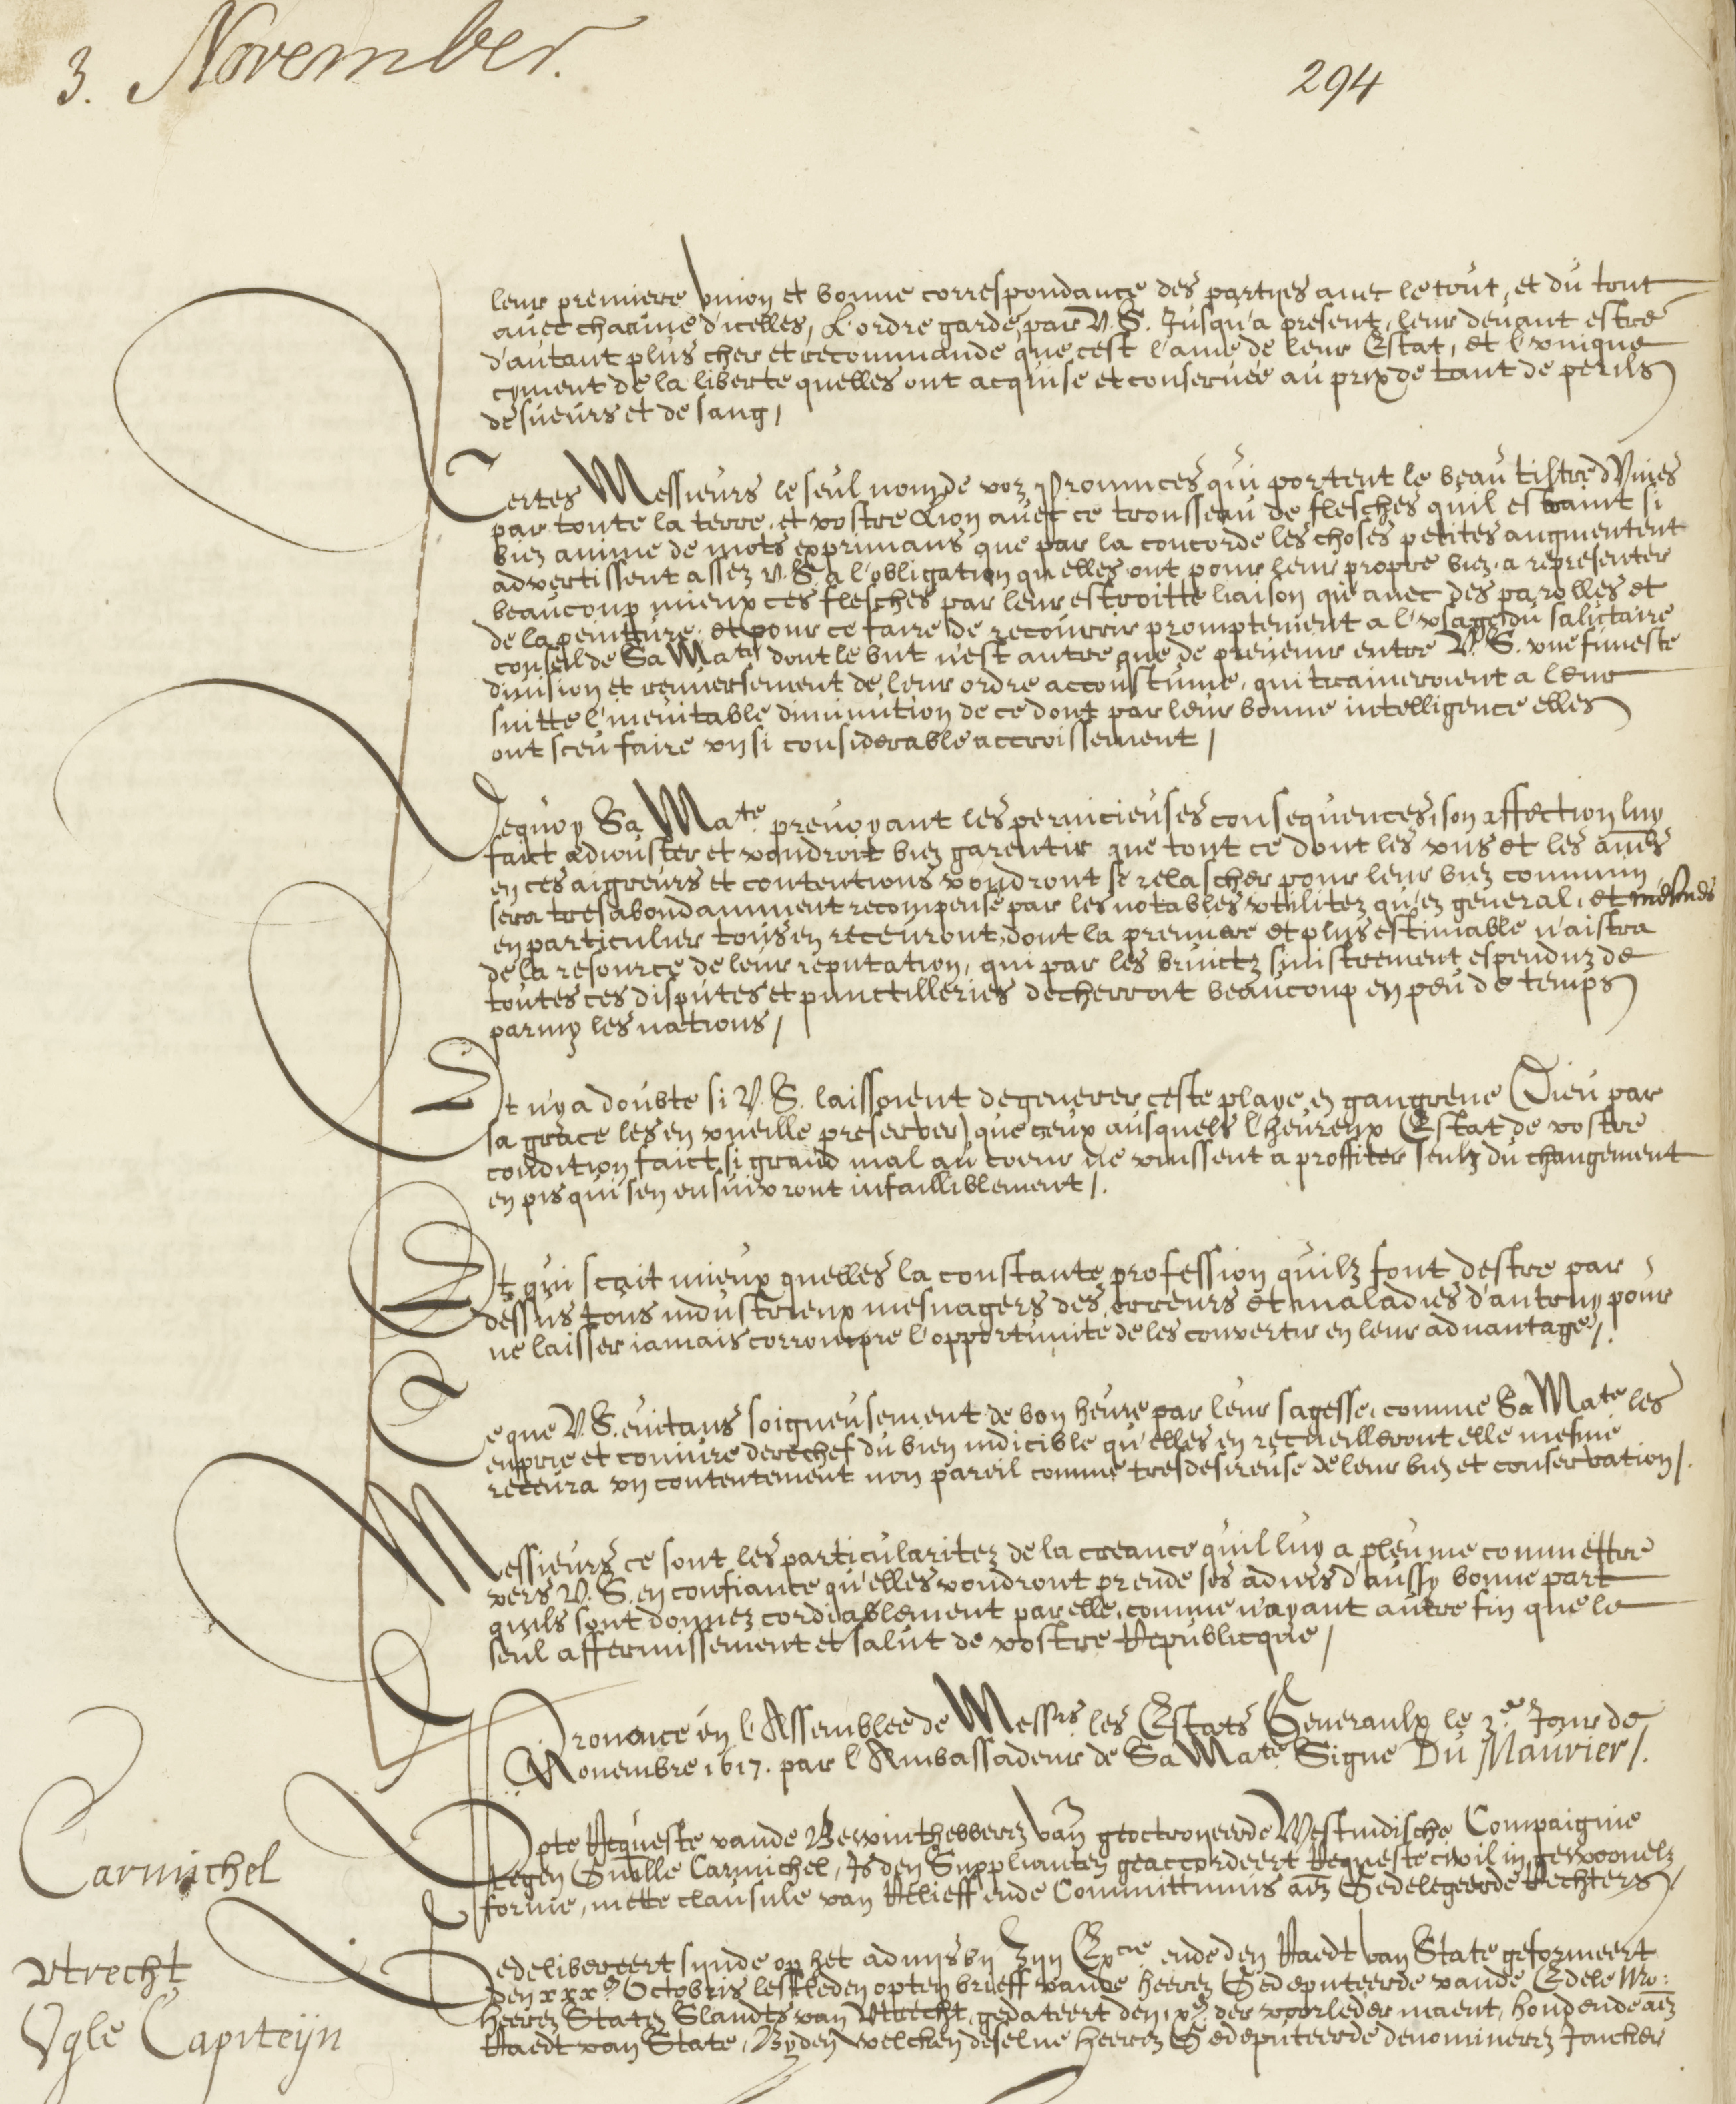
294
3. November.
leur premiere union et bonne correspondance des partyes auec le tout, et du tout
auec chacune d‛icelles, L‛ordre gardé par V.S. Jusqu‛a present, leur deuant estre
d'autant plus cher et recommande que cest l‛ame de leur Estat, et l‛vnique
cyment de la liberte quelles ont acquise et conseruée au prix de tant de perils
de sueurs et de sang.
Certes Messieurs le seul nom de voz Prouinces qui portent le beau tiltre d‛Unies
par toute la terre, et vostre Lion auec ce trousseau de flesches quil estraint si
bien anime de mots exprimans que par la concorde les choses petites augmentent
advertissent assez V.S. a l‛obligation quelles ont pour leur propre bien, a representer
beaucoup mieux ces flesches par leur estroitte liaison qu‛auec des parolles et
de la peinture, et pour ce faire de recouvrir promptement a l‛vsage du salutaire
conseil de Sa Mate dont le but n‛est autre que de preuenir entre V.S. vne funeste
diuision et renuersement de leur ordre accoustume, qui trainerroient a leur
suitte l‛ineuitable diminution de ce dont par leur bonne intelligence elles
ont sceu faire vn si considerable accroissement.
De quoy Sa Mate. preuoyant les pernicieuses consequences, son affection luy
faict adiouster et voudroit bien garentir que tout ce dont les vns et les aues
en ces aigreurs et contentions voudront se relascher pour leur bien commun
sera tres abondamment recompense par les notables utilitez qu‛en general, et mesmes
en particulier tous en receuront, dont la premiere et plus estimable n‛aistra
de la resource de leur reputation, qui par les bruictz sinistrement espenduz de
toutes ces disputes et punctilleries decherroit beaucoup en peu de temps
parmy les nations.
Et n‛y a doubte si V.S. laissoient degenerer ceste playe en gangrene (Dieu par
sa grace les en vueille preserver) que ceux ausquels l‛heureux Estat de vostre
condition faict si grand mal au coeur ne souffent a proffiter seulz du changement
en pis qui sen ensuivront infailliblement.
Et qui scait mieux quelles la constante profession quilz font destre par
dessus tous industrieux mesnagers des erreurs et maladies d'autrui pour
ne laisser iamais corrompre l‛opportunité de les convertir en leur aduantage.
Ce que V.S. euitans soigneusement de bon heure par leur sagesse, comme Sa Mate. les
enprie et coniure derechef du bien indicible qu‛elles en recueilleront elle mesme
receura vn contentement non pareil comme tres desireuse de leur bien et conservation.
Messieurs ce sont les particularitez de la creance quil luy a pleu me commettre
vers V.S. en confiance qu‛elles voudront prendre ses aduis d' aussy bonne part
quils sont donnez cordiablement par elle, comme n‛ayant autre fin que le
seul affermissement et salut de vostre Republicque.
Prononcé en l‛Assemblee de Messrs. les Estats Generaulx le 3e. Jour de
Nouembre 1617. par l‛ Ambassadeur de Sa Mate. Signe Du Maurier.
Carmichel
Opte Requeste vande Bewinthebberen van geoctroyeerde Westindische Compaignie
tegen Guille Carmichel, Is den Supplianten geaccordeert Requeste civil in gewoonel
forme, mette clausule van Relieff ende Committimus aen Gedelegeerde Rechters
Utrecht
Vgle Capiteijn
Gedelibereert synde op het aduys by Zyn Excie. ende den Raedt van State geformeert
den xxxen. Octobris lestleden opten brieff vande heeren Gedeputeerde vande Edele Mo:
heeren Staten Slandts van Utrecht, gedateert den ixen. der voorleder maent, houdende aen
Raedt van State, Byden welcken deselue heeren Gedeputeerde denomineren Joncker
